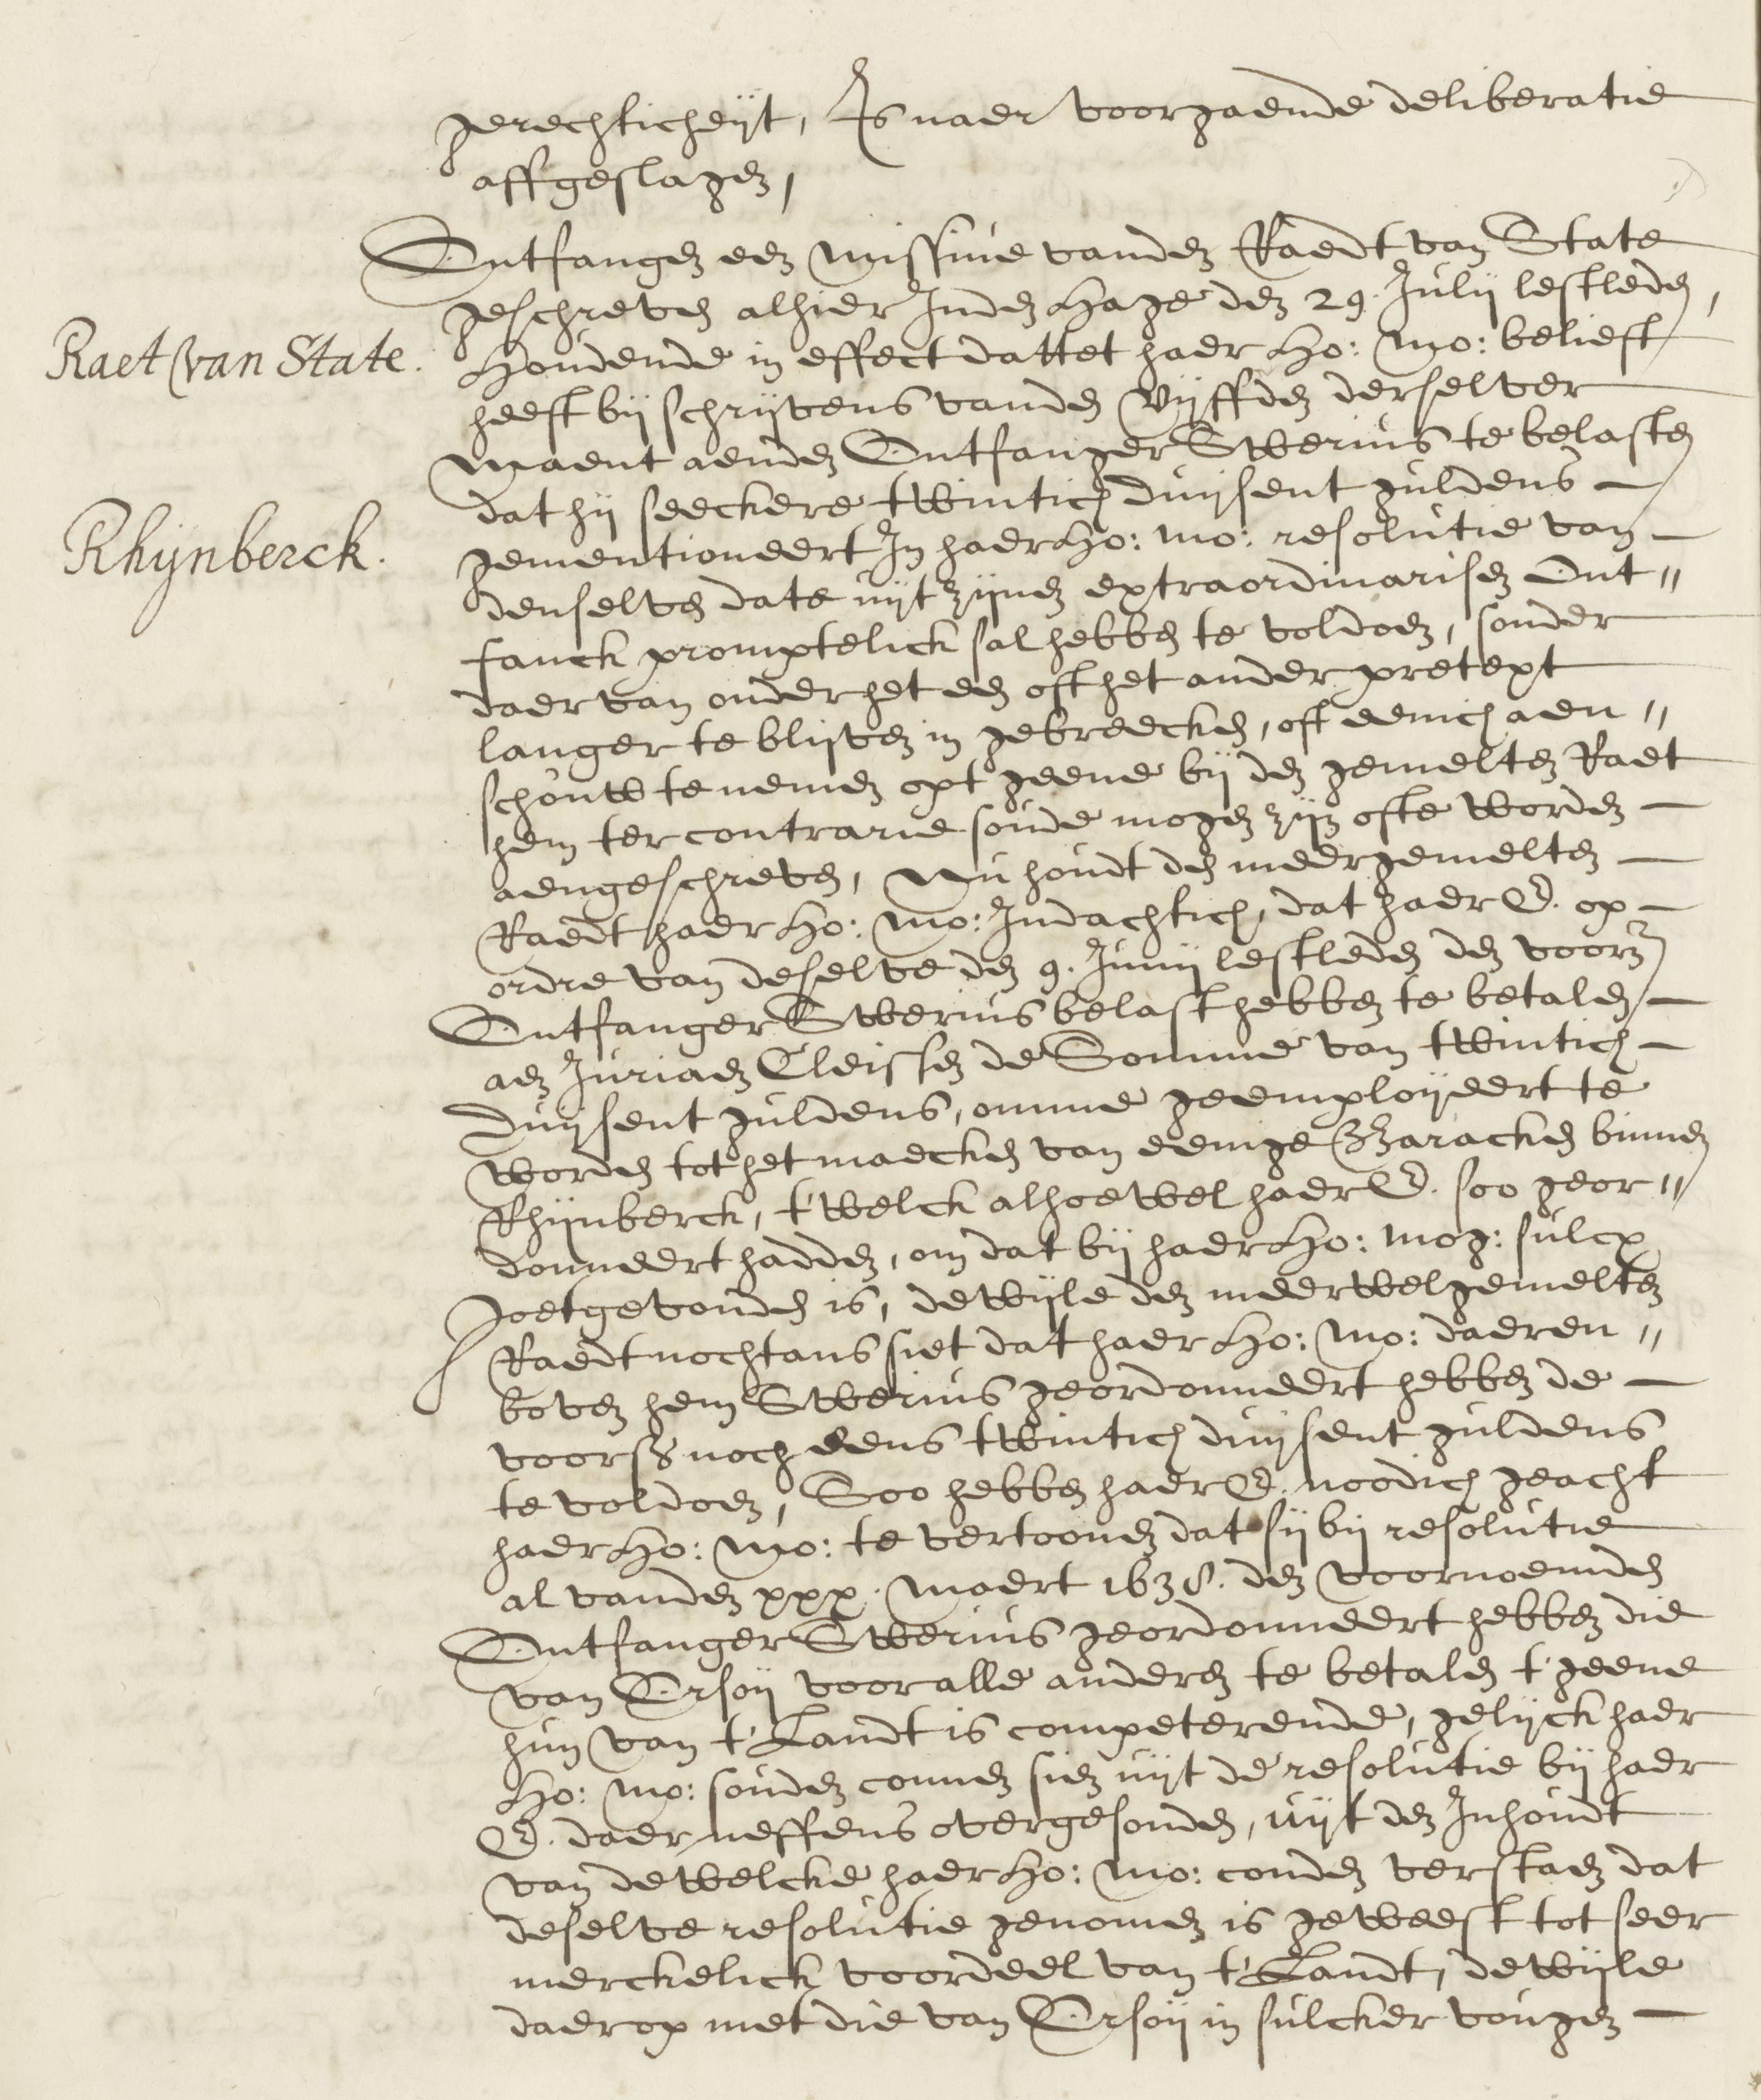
gerechticheijt, Is naer voorgaende deliberatie
affgeslagen.
Raet van State
Rhijnberck
Ontfangen een missive vanden Raedt van State
geschreven alhier Inden Hage den 29 Julij lestleden,
houdende in effect datte haer Ho:Mo: belieft
heeft bij schrijvens vanden Vijffden derselver
maent aenden Ontfanger Swerius te belasten
dat hij seeckere twintich duijsent guldens
gementioneert in haer Ho:Mo: resolutie van —
denselven date uijt zijnen extraordinarisen Ont„
fanck promptelick sal hebben te voldoen, sonder
daer van onder het een oft het ander pretext
langer te blijen in gebreecken, oft eenich aen„
schouw te nemen opt geene bij den gemelten Raet
hem ter contrarie soude mogen zjin ofte worden —
aengeschreven, Nu houdt de meergemelten —
Raedt haer Ho:Mo: indachtich, dat haer E. op —
ordre van deselve den 9. Junij lestleden den voorn
Ontfanger Swerius belast hebben te betalen —
aen Juriaen Cleissen de Somme van twintich —
Duysent guldens, omme geemploijeert te
worden tot het maecken van eenige Baracken binnen
Rhijnberck, t'welck alhoewel haer E. soo geor„
donneert hadden, om dat bij haer Ho:Mo: sulcx
goetgevonden is, dewijle den meerwelgemelten
Raedt nochtans siet dat haer Ho:Mo: daeren„
boven hem Swerius geordonneert hebben de —
voorsz noch eens twintich duijsent guldens
te voldoen, Soo hebben haer E. noodich geacht
haer Ho:Mo: te vertoonen dat sij bij resolutie
al vanden xxx. maert 1638 den voornoemden
Ontfanger Swerius geordonneert hebben die
van Orsoij voor alle anderen te betalen, t'geene
hun van t'Landt is competerende, gelijck haer
Ho:Mo: souden connen sien uijt de resolutie bij haer
E. daer neffens overgesonden, uijt den Inhoudt
van dewelcke haer Ho:Mo: conden verstaen dat
deselve resolutie genomen is geweest tot seer
merckelick voordeel van t'Landt, dewijle
daerop met die van Orsoij sulcker vougen
